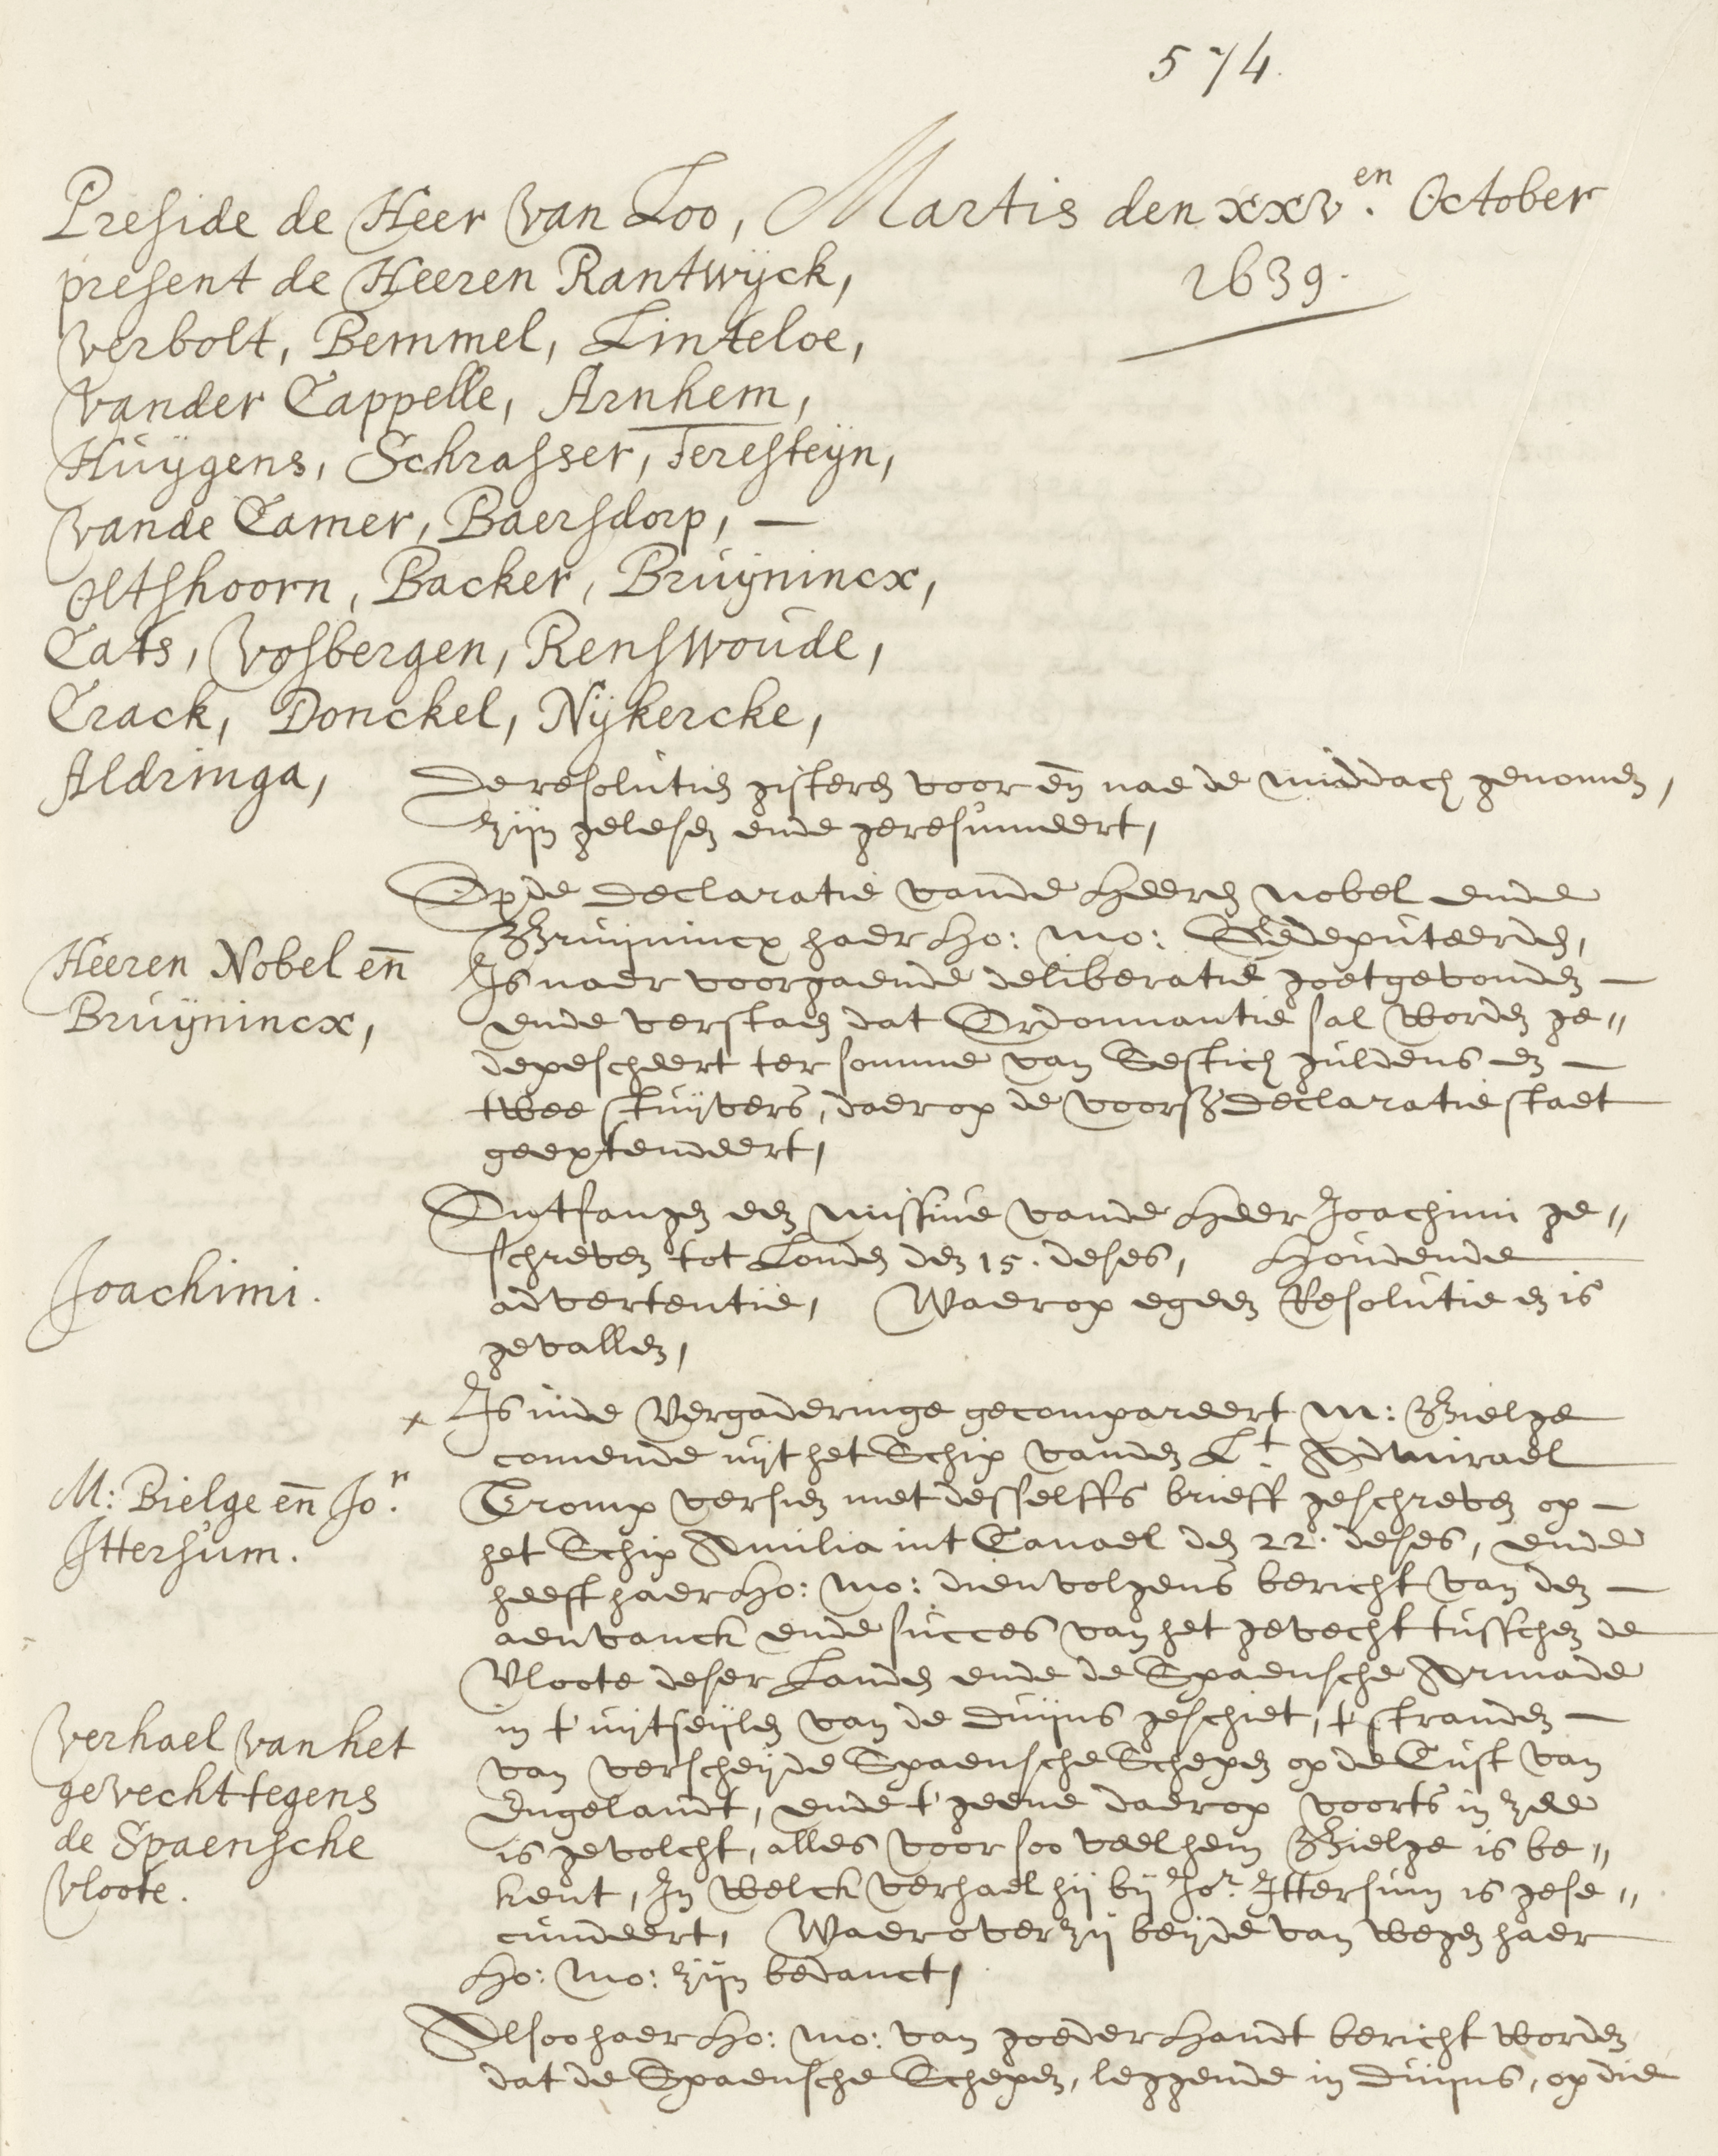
574
Martis den xxven October
1639
Preside de Heer van Loo,
present de Heeren Rantwijck,
Verbolt, Bemmel, Linteloe,
vander Cappelle, Arnhem,
Huijgens, Schrasser, Teresteijn,
vande Camer, Baersdorp —
Oltshoorn, Backer, Bruijnincx,
Cats, Vosbergen, Renswoude,
Crack, Donckel, Nijkercke,
Aldringa.
De resolutien gisteren voor en nae de middach genomen,
zijn gelesen ende geresumeert.
Heeren Nobel en
Bruijnincx.
Op de declaratie vande heeren Nobel ende
Bruijnincx haer Ho:Mo: Gedeputeerden,
Is naer voorgaende deliberatie goetgevonden —
ende verstaen dat Ordonnantie sal worden ge„
depescheert ter somme van Sestich guldens en —
twee stuijvers, daer op de voorsz declaratie staet
geextendeert.
Joachimi.
Ontfangen een missive vande heer Joachimi ge„
schreven tot Londen den 15. deses, houdende
advertentie, Waerop egeen Resolutie en is
gevallen.
M: Bielge en Jon
Ittersum.
Verhael van het
gevecht tegens
de Spaensche
vloote.
Is in de vergaderinge gecompareert M: Bielge
comende uijt het Schip vanden Lt Admirael
Tromp versien met desselffs brieff geschreven op —
het Schip Amilia int Canael den 22. deses, ende
heeft haer Ho:Mo: dienvolgens bericht van den —
aenvanck ende succes van het gevecht tusschen de
Vloote deser Landen ende de Spaensche Armade
in t"uijtseijlen van de Duijns geschiet, t'stranden —
van verscheijde Spaensche Schepen op de Cust van
Engelandt, ende t'geene daerop voorts in zee
is gevolcht, alles voor soo veel hem Bielge is be„
kent, In welck verhael hij bij Jor Ittersum is gese„
cundeert. Waerover zij beijde van wegen haer
Ho:Mo: zijn bedanckt.
Alsoo haer Ho:Mo: van goederhandt bericht worden
dat de Spaensche Schepen, leggende in Duijns, op die
